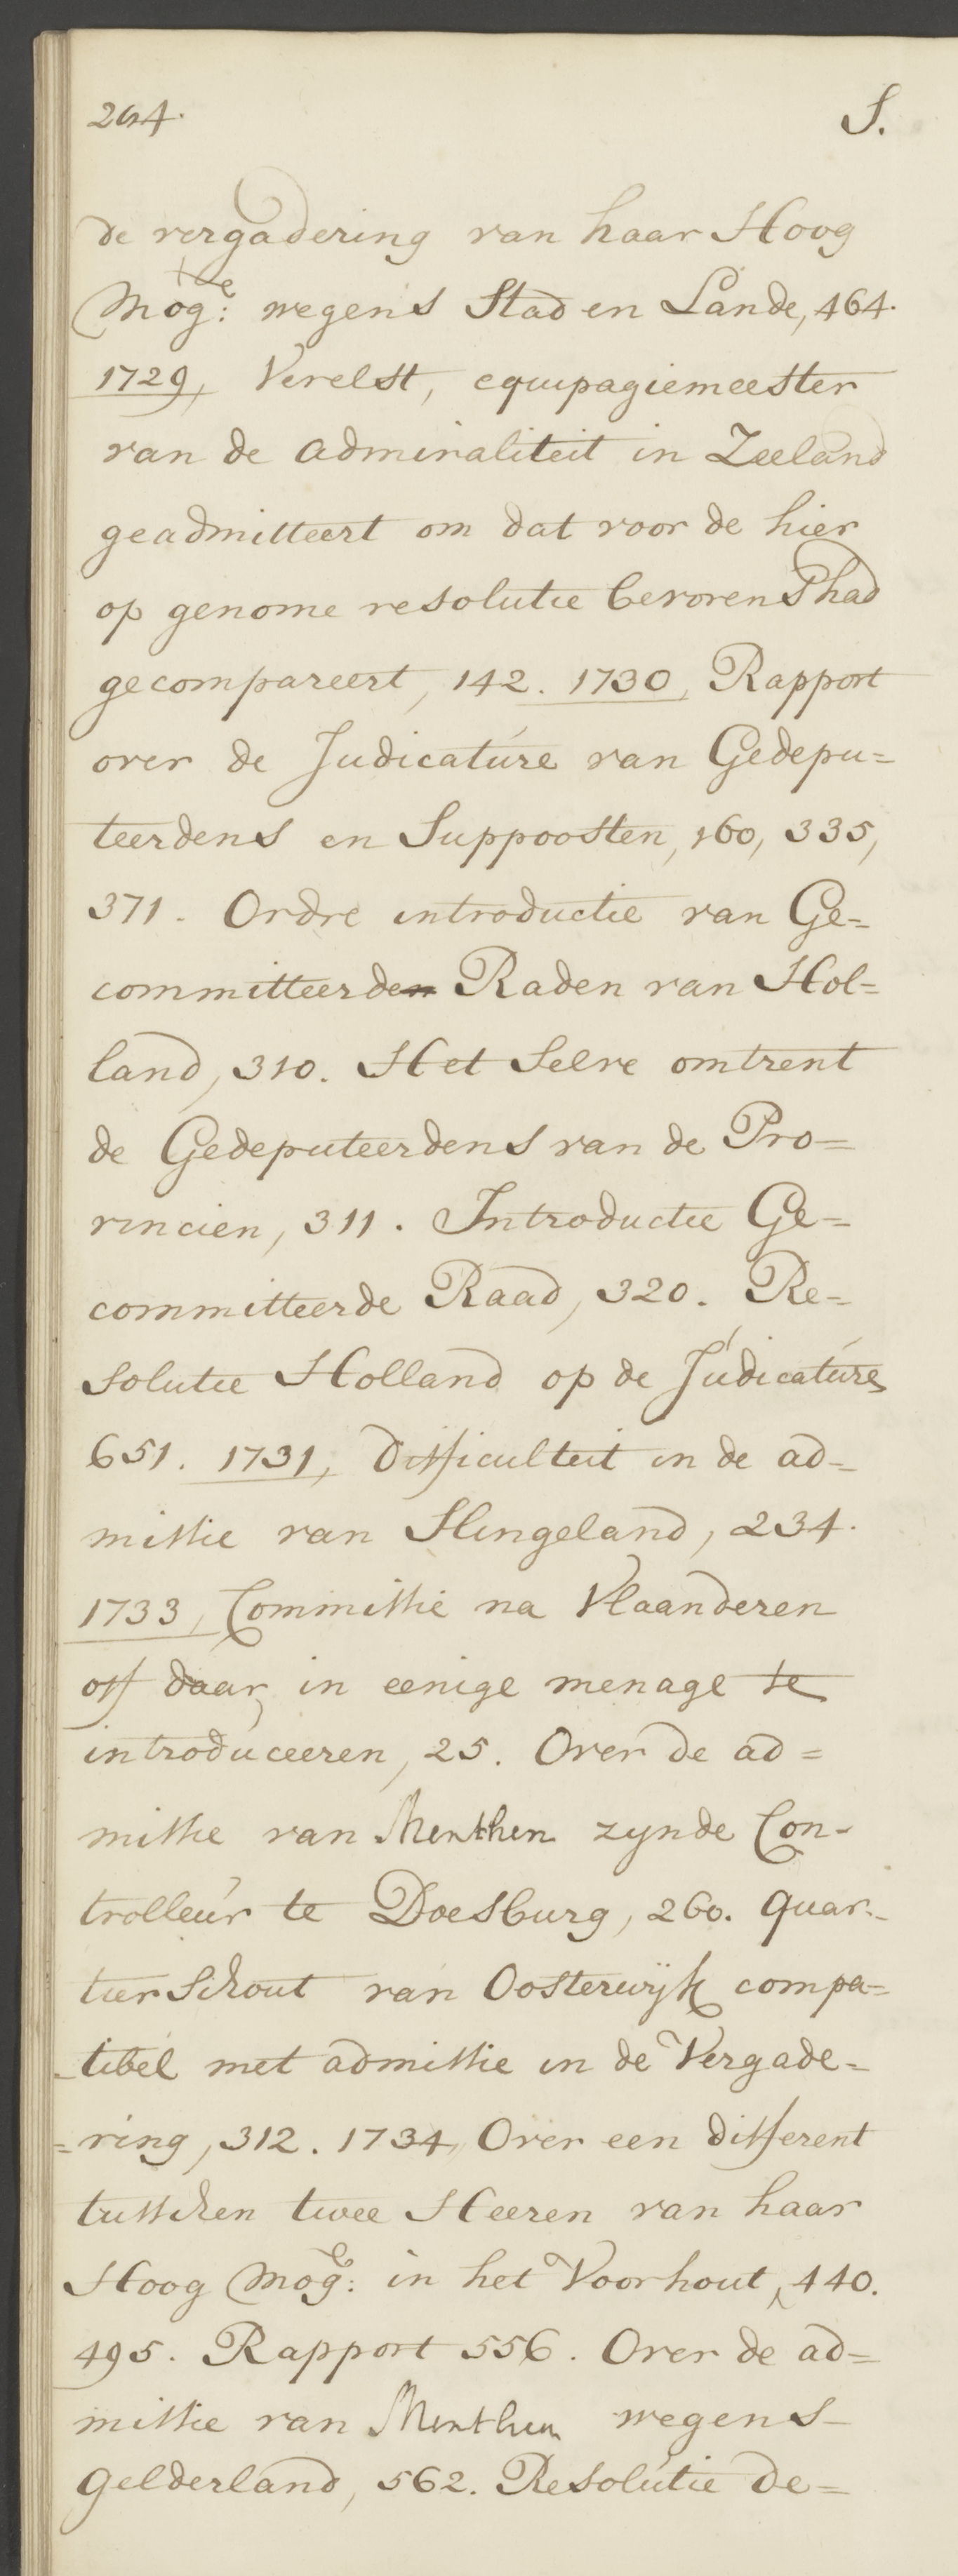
284.
S.
de vergadering van haar Hoog
Moge: wegens Stad en Lande, 464.
1729, Verelst, equipagiemeester
van de admiraliteit in Zeeland
geadmitteert om dat voor de hier
op genome resolutie bevorens had
gecompareert, 142. 1730, Rapport
over de Judicature van Gedepu=
teerdens en Suppoosten, 160, 335,
371. Ordre introductie van Ge=
committeerden Raden van Hol=
land, 310. Het selve omtrent
de Gedeputeerdens van de Pro=
vincien, 311. Introductie Ge=
committeerde Raad, 320. Re=
solutie Holland op de Judicature,
651. 1731, difficulteit in de ad=
missie van Slingeland, 234.
1733, Commissie na Vlaanderen
off daar in eenige menage te
introduceeren, 25. Over de ad=
missie van Menthen zynde Con„.
trolleur te Doesburg, 260. Quar„
tierschout van Oosterwijk compa=
„tibel met admissie in de Vergade=
=ring, 312. 1734, Over een different
tusschen twee Heeren van haar
Hoog Moge: in het Voorhout, 440.
495. Rapport 556. Over de ad=
missie van Menthen wegens
Gelderland, 562. Resolutie de=
